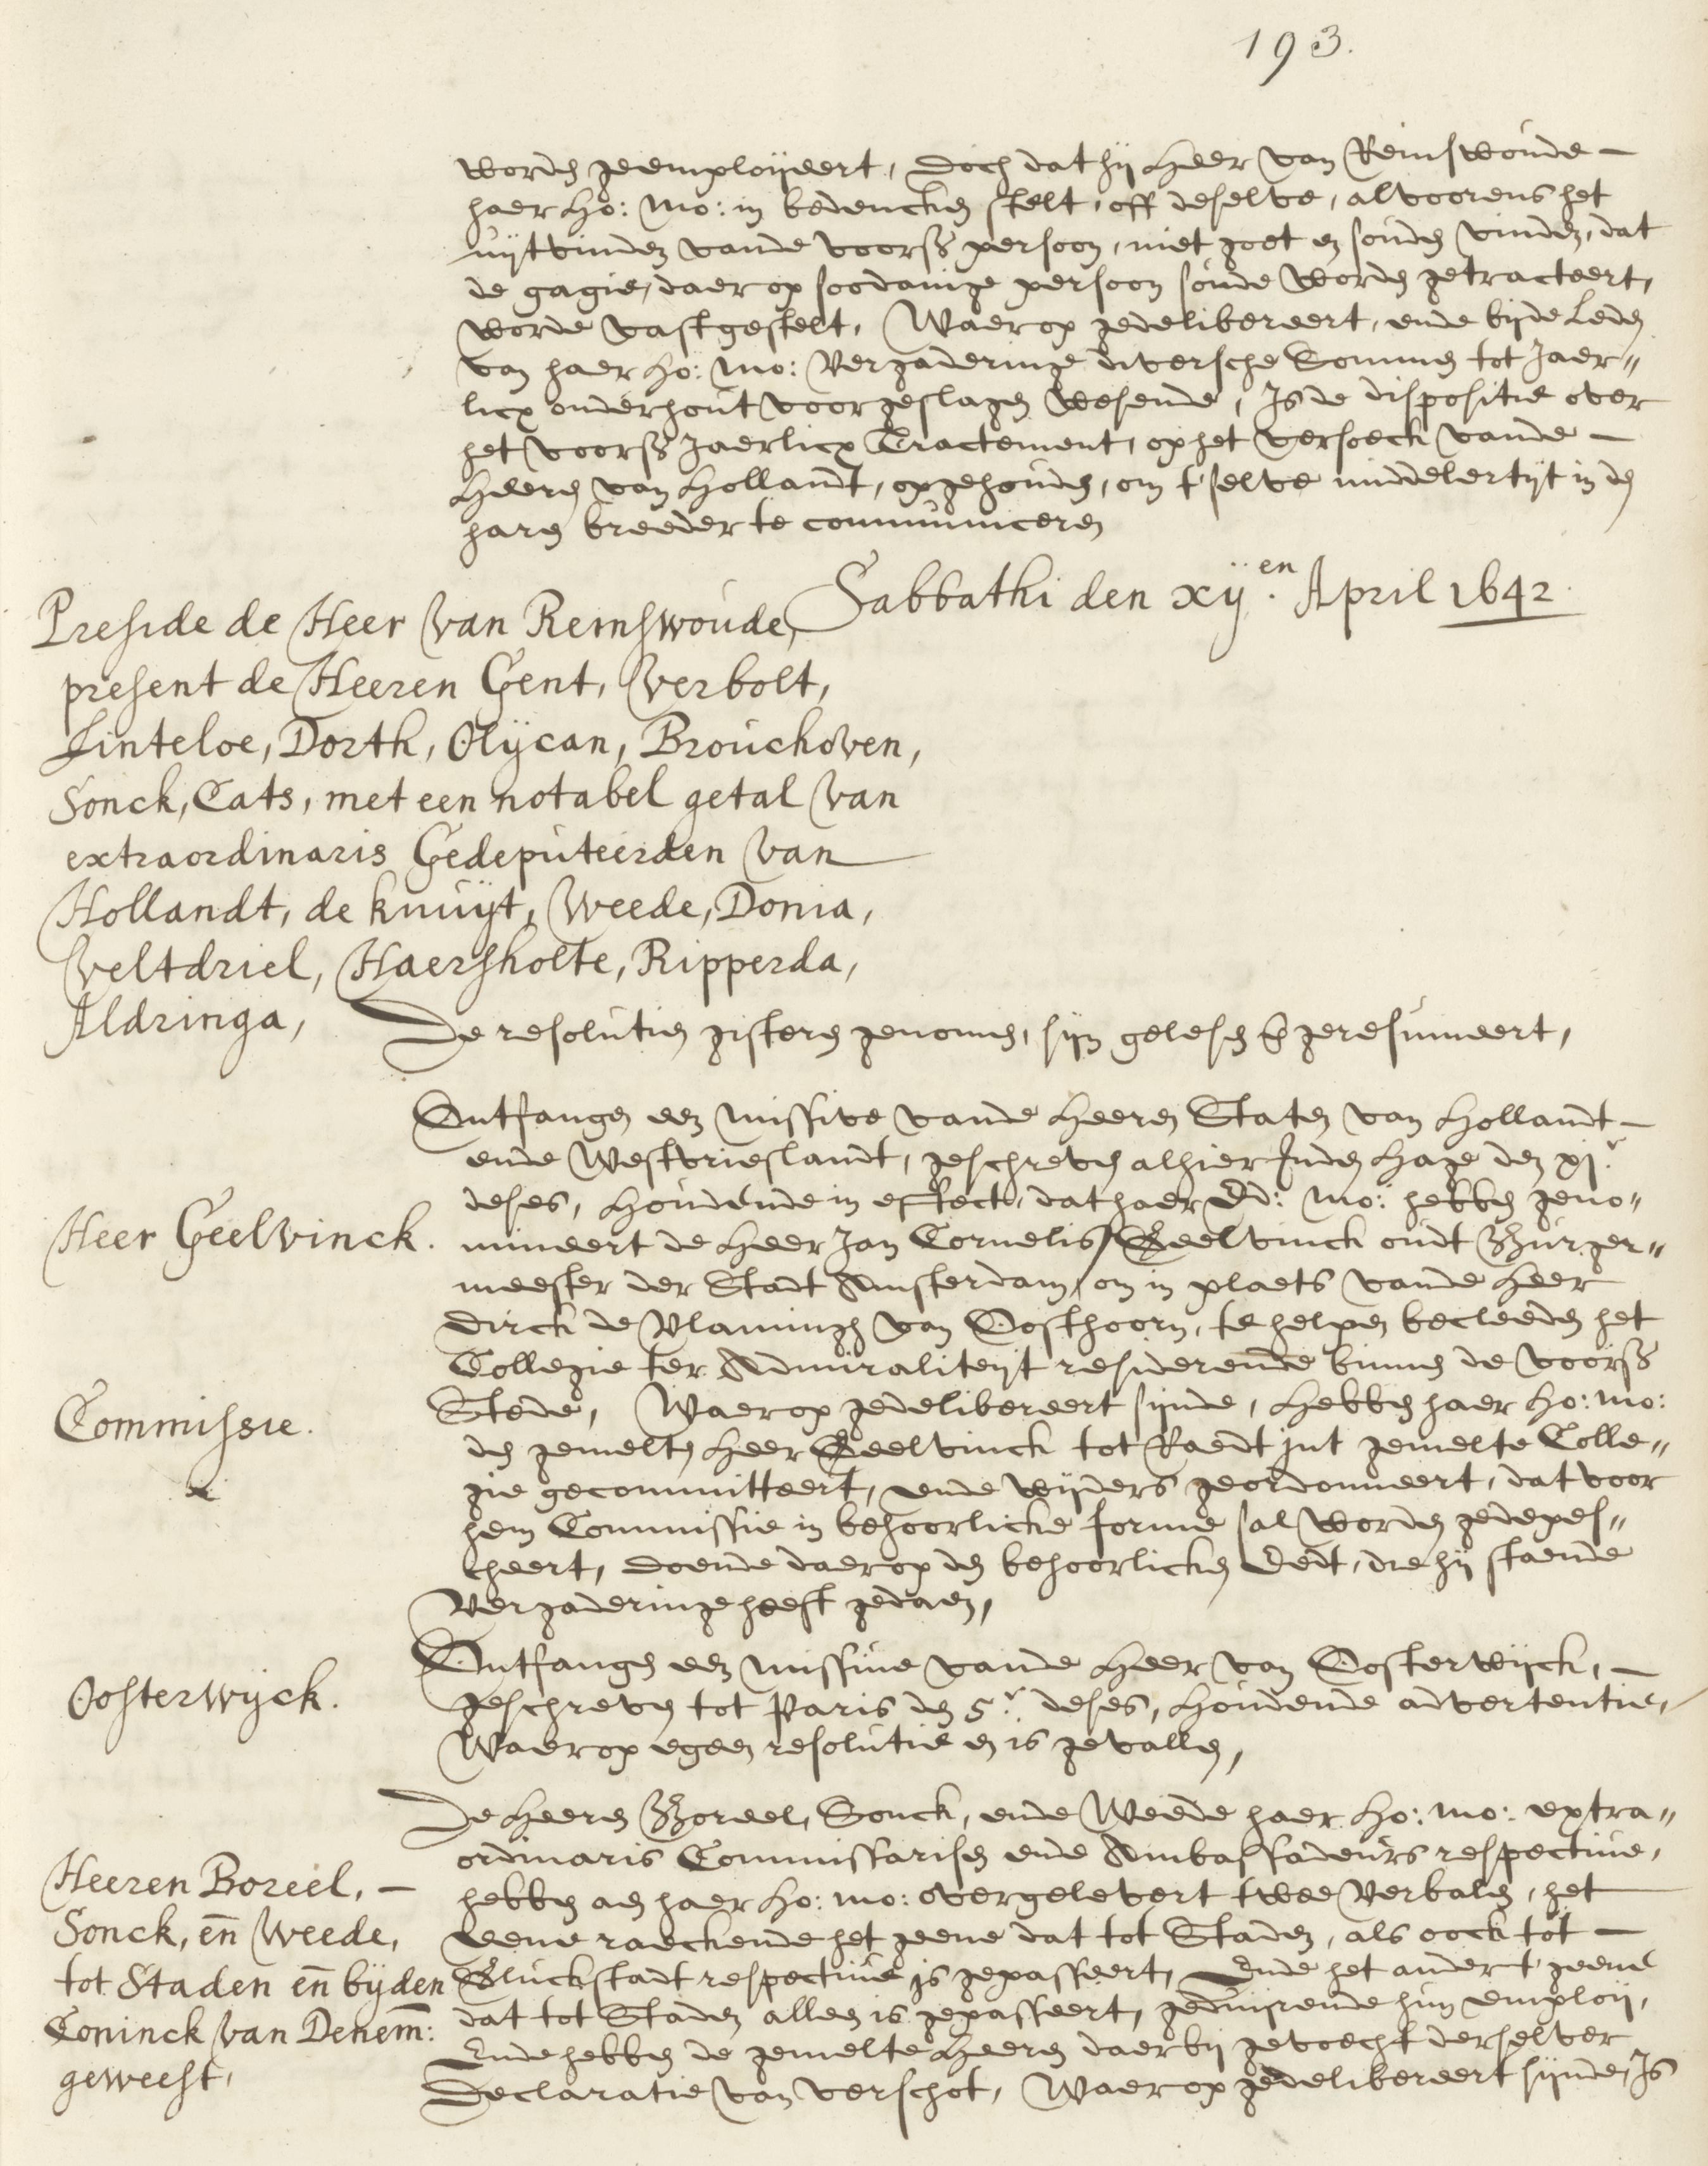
193
worden geemploijeert, doch dat hij heer van Reinswoude
haer Ho:Mo: in bedencken stelt, off deselve alvoorens het
uijtvinden vande voors persoon, niet goet en souden vinden, dat
de gagie daer op soodanige persoon soude worden getracteert,
worde vastgestelt. Warop gedelibereert ende bijde Leden
van haer Ho:Mo: vergaderinge diversche sommen tot jaer„
licx onderhout voorgeslagen wesende, is de dispositie over
het voors jaerlicx Tractement, ophet versoeck vande
heeren van Hollandt, opgehouden om tselve middelertijt in de
haren breeder te communiceren.
Sabbathi den xijen April 1642
Preside de Heer van Reinswoude,
present de Heeren Gent, Verbolt,
Linteloe, Dorth, Olijcan, Brouchoven,
Sonck, Cats, met een notabel getal van
extraordinaris Gedeputeerden van
Hollandt, de Knuijt, Weede, Donia,
Veltdriel, Haersholte, Ripperda,
Aldringa.
De resolutien gisteren genomen sijn gelesen & geresumeert.
Heer Geelvinck
commissie
Ontfangen een missive vande heeren Staten van Hollandt
ende Westvrieslandt, geschreven alhier inden Hage den xie
deses, houdende in effect, dat haer Ed:Mo: hebben geno„
mineert de heer Jan Corneliss Geelvinck oudt Burger„
meester der Stadt Amsterdam, om in plaets vande heer
Dirck de Vlamingh van Oosthoorn, te helpen becleeden het
Collegie ter Admiraliteijt residerende binnen de voors
Stede. Warop gedelibereert sijnde, hebben haer Ho:Mo:
den gemelten heer Geelvinck tot Raedt int gemelte Colle„
gie gecommitteert, ende wijders geordonneert, dat voor
hem commissie in behoorlicke forme sal worden gedepes„
cheert, doende daerop den behoorlicken eedt, die hij staende
vergaderinge heeft gedaen.
Oosterwijck
Ontfangen een missive vande heer van Oosterwijck -
geschreven tot Paris den 5e. deses, houdende advertentien.
Waerop egeen resolutie en is gevallen.
Heeren Boreel,
Sonck, en Weeda,
tot Staden en bijden
Coninck van Denem:
geweest
De heeren Boreel, Sonck ende Weede haer Ho:Mo: extra„
ordiniaris Commissarisen ende Ambassadeurs respectiue,
hebben aen haer Ho:Mo: overgelevert twee verbalen, het
eene raeckende het geene dat tot Staden, als oock tot
Gluckstadt respectiue is gepasseert. Ende het ander t'geene
dat tot Staden alleen is gepasseert, geduijrende hun emploij.
Ende hebben de gemelte heeren daerbij gevoecht derselver
declaratie van verschot. Waerop gedelibereert sijnde, Is
